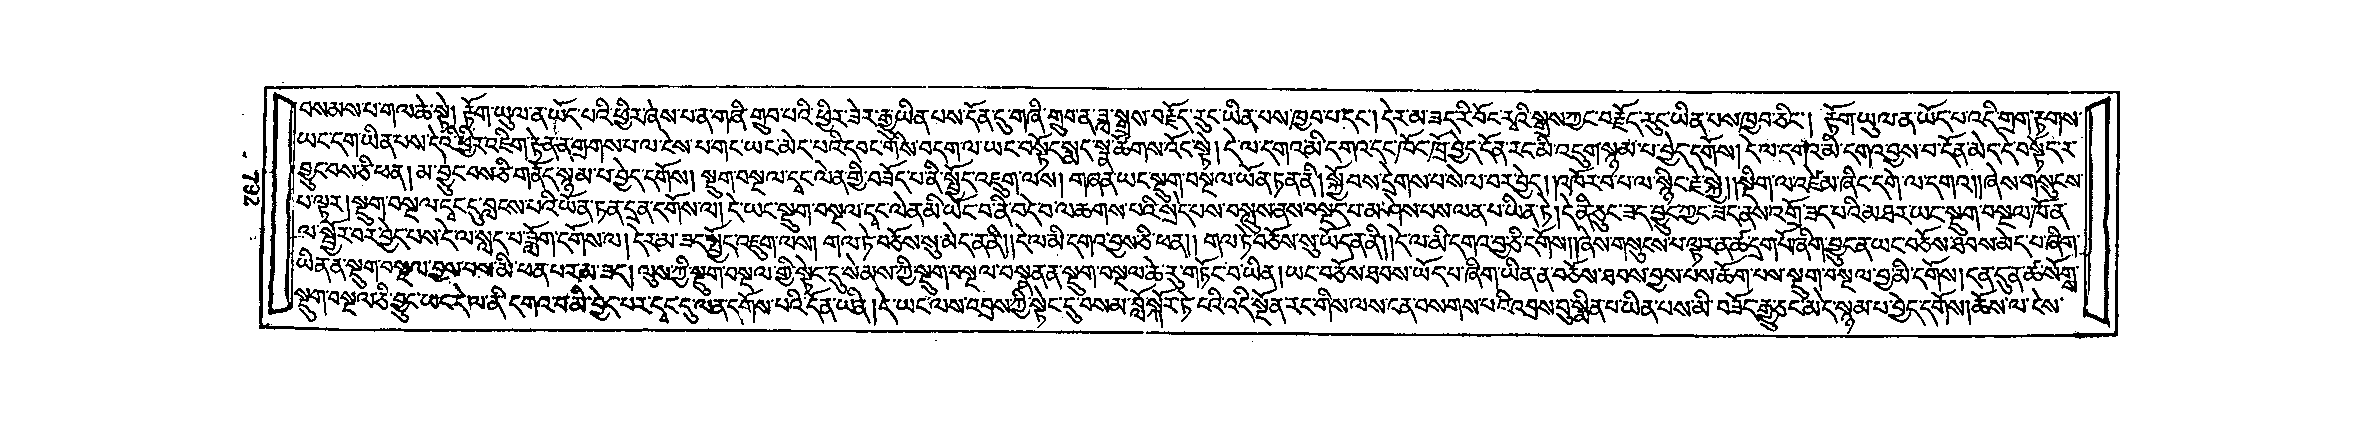བསམས་པ་གལ་ཆེ་སྟེ། རྟོག་ཡུལ་ན་ཡོད་པའི་ཕྱིར་ཞེས་པ་ན་གཞི་གྲུབ་པའི་ཕྱིར་ཟེར་རྒྱུ་ཡིན་པས་དོན་དུ་གཞི་གྲུབ་ན་ཟླ་སྒྲས་བརྗོད་རུང་ཡིན་པས་ཁྱབ་པ་དང་། དེར་མ་ཟད་རི་བོང་རྭའི་སྒྲས་ཀྱང་བརྗོད་རུང་ཡིན་པས་ཁྱབ་ཅིང་། རྟོག་ཡུལ་ན་ཡོད་པ་འདི་གྲག་རྟགས་
ཡང་དག་ཡིན་པས་དེའི་ཕྱིར་འཇིག་རྟེན་ན་གྲགས་པ་ལ་ངེས་པ་གང་ཡང་མེད་པའི་དབང་གིས་བདག་ལ་ཡང་བསྟོད་སྨད་སྣ་ཚོགས་འོང་སྟེ། དེ་ལ་དགའ་མི་དགའ་དང་ཁོང་ཁྲོ་བྱེད་དོན་རང་མི་འདུག་སྙམ་པ་བྱེད་དགོས། དེ་ལ་དགའ་མི་དགའ་བྱས་པ་དོན་མེད་དེ་བསྟོད་ར་
བྱུང་བས་ཅི་ཕན། མ་བྱུང་བས་ཅི་གནོད་སྙམ་པ་བྱེད་དགོས། སྡུག་བསྔལ་དྭང་ལེན་གྱི་བཟོད་པ་ནི་སྤྱོད་འཇུག་ལས། གཞན་ཡང་སྡུག་བསྔལ་ཡོན་ཏན་ནི། སྐྱོབས་དྲེགས་པ་སེལ་བར་བྱེད། །འཁོར་བ་པ་ལ་སྙིང་རྗེ་སྐྱེ། །སྡིག་ལ་འཛེམ་ཞིང་དགེ་ལ་དགའ། །ཞེས་གསུངས་
པ་ལྟར། སྡུག་བསྔལ་དྭང་དུ་བླངས་པའི་ཡོན་ཏན་དྲན་དགོས་ལ། དེ་ཡང་སྡུག་བསྔལ་དྭང་ལེན་མི་ཡོང་བ་ནི་བདེ་བ་ལ་ཆགས་པའི་སྲེད་པས་བསླུས་ནས་བསྡད་པ་མ་ཤེས་པས་ལན་པ་ཡིན་ཏེ། དེ་ནི་ཅུང་ཟད་བྱུང་ཀྱང་ཟད་ནས་འགྲོ་ཟད་པའི་མཐར་ཡང་སྡུག་བསྔལ་ཁོ་ན་
ལ་སྦྱོར་བར་བྱེད་པས་དེ་ལ་སླད་པ་ཟློག་དགོས་ལ། དེར་མ་ཟད་སྤྱོད་འཇུག་ལས། གལ་ཏེ་བཅོས་སུ་མེད་ན་ནི། །དེ་ལ་མི་དགའ་བྱས་ཅི་ཕན། །གལ་ཏེ་བཅོས་སུ་ཡོད་ན་ནི། །དེ་ལ་མི་དགའ་བྱ་ཅི་དགོས། །ཞེས་གསུངས་པ་ལྟར་ན་ཚ་དྲག་པོ་ཞིག་བྱུང་ན་ཡང་བཅོས་ཐབས་མེད་པ་ཞིག་
ཡིན་ན་སྡུག་བསྔལ་བྱས་པས་མི་ཕན་པར་མ་ཟད། ལུས་ཀྱི་སྡུག་བསྔལ་གྱི་སྟེང་དུ་སེམས་ཀྱི་སྡུག་བསྔལ་བསྣན་ན་སྡུག་བསྔལ་ཆེ་རུ་གཏོང་བ་ཡིན། ཡང་བཅོས་ཐབས་ཡོད་པ་ཞིག་ཡིན་ན་བཅོས་ཐབས་བྱས་པས་ཆོག་པས་སྡུག་བསྔལ་བྱ་མི་དགོས། ངན་དུ་ན་ཚ་སོགས་
སྡུག་བསྔལ་ཅི་བྱུང་ཡང་དེ་ལ་ནི་དགའ་བ་མི་བྱེད་པར་དྭང་དུ་ལན་དགོས་པའི་དོན་ཡིན། དེ་ཡང་ལས་འབྲས་ཀྱི་སྟེང་དུ་བསམ་བློ་སྐོར་ཏེ་ངའི་འདི་སྔོན་རང་གིས་ལས་ངན་བསགས་པའི་འབྲས་བུ་སྨིན་པ་ཡིན་པས་མི་བཟོད་རྒྱུ་ཅང་མེད་སྙམ་པ་བྱེད་དགོས། ཆོས་ལ་ངེས་